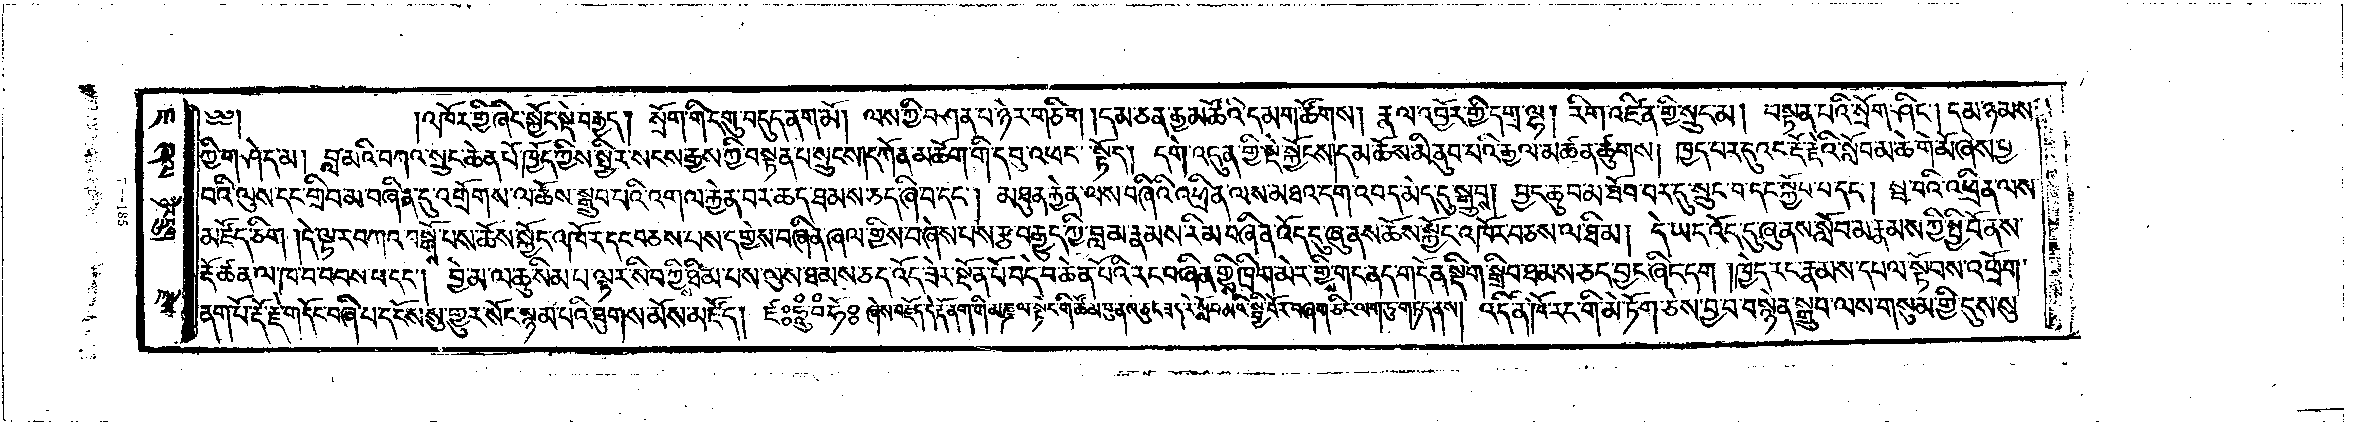༄༅། །འཁོར་གྱི་ཞིང་སྐྱོང་སྡེ་བརྒྱུད། སྲོག་གི་དགུ་བདུན་ནག་མོ། ལས་ཀྱི་བཤན་པ་ཉེར་གཅིག །དམ་ཅན་རྒྱ་མཚོའི་དམག་ཚོགས། རྣལ་འབྱོར་གྱི་དགྲ་ལྷ། རིག་འཛིན་གྱི་སྲུང་མ། བསྟན་པའི་སྲོག་ཤིང་། དམ་ཉམས་
ཀྱི་གཤེད་མ། བླ་མའི་བཀའ་སྲུང་ཆེན་པོ་ཁྱོད་ཀྱིས་སྤྱིར་སངས་རྒྱས་ཀྱི་བསྟན་པ་སྲུངས་།དཀོན་མཆོག་གི་དབུ་འཕང་སྟོད། དགེ་འདུན་གྱི་སྡེ་སྐྱོངས། དམ་ཆོས་མི་ནུབ་པའི་རྒྱལ་མཚན་ཚུགས། ཁྱད་པར་དུའང་རྡོ་རྗེའི་སློབ་མ་ཆེ་གེ་མོ་ཞས་བྱ་
བའི་ལུས་དང་གྲིབ་མ་བཞིན་དུ་འགྲོགས་ལ་ཆོས་སྒྲུབ་པའི་འགལ་རྐྱེན་བར་ཆད་ཐམས་ཅད་ཞི་བ་དང་། མཐུན་རྐྱེན་ལས་བཞིའི་འཕྲིན་ལས་མཐའ་དག་འབད་མེད་དུ་སྒྲུབས། བྱང་ཆུབ་མ་ཐོབ་བར་དུ་སྲུང་བ་དང་སྐྱོབ་པ་དང་། སྦ་བའི་འཕྲིན་ལས་
མཛོད་ཅིག །དེ་ལྟར་བཀའ་བསྒོས་པས་ཆོས་སྐྱོང་འཁོར་དང་བཅས་པས་དགྱེས་བཞིན་ཞལ་གྱིས་བཞེས་པས་རྩ་བརྒྱུད་ཀྱི་བླ་མ་རྣམས་རིམ་བཞིན་འོད་དུ་ཞུ་ནས་ཆོས་སྐྱོང་འཁོར་བཅས་ལ་ཐིམ། དེ་ཡང་འོད་དུ་ཞུ་ནས་སློབ་མ་རྣམས་ཀྱི་སྤྱི་བོ་ནས་
རྡོ་ཚན་ལ་ཁ་བ་བབས་པ་དང་། བྱེ་མ་ལ་ཆུ་སིམ་པ་ལྟར་སིབ་ཀྱིས་ཐིམ་པས་ལུས་ཐམས་ཅད་འོད་ཟེར་སྔོན་པོ་བདེ་བ་ཆེན་པོའི་རང་བཞིན་གྱིས་ཁྲིག་མེར་གྱིས་གང་ནད་གདོན་སྡིག་སྒྲིབ་ཐམས་ཅད་བྱང་ཞིང་དག །ཁྱེད་རང་རྣམས་དཔལ་སྟོབས་འཕྲོག་
ནག་པོ་རྡོ་རྗེ་གདོང་བཞི་པ་དངོས་སུ་གྱུར་སོང་སྙམ་པའི་ཐུགས་མོས་མཛོད། ཛཿཧཱུཾ་བཾ་ཧོཿཞེས་བརྗོད་དེ་རྡོ་ནག་གི་མཎྜལ་སྟེང་གི་ཚོམ་བུ་ནས་ཅུང་ཟད་རེ་སློབ་མའི་སྤྱི་བོར་བཞག་ཅིང་ལག་ཏུ་གཏད་ནས།  འདི་ནི་ཁོ་རང་གི་མེ་ཏོག་ཅེས་བྱ་བ་བསྙེན་སྒྲུབ་ལས་གསུམ་གྱི་དུས་སུ་